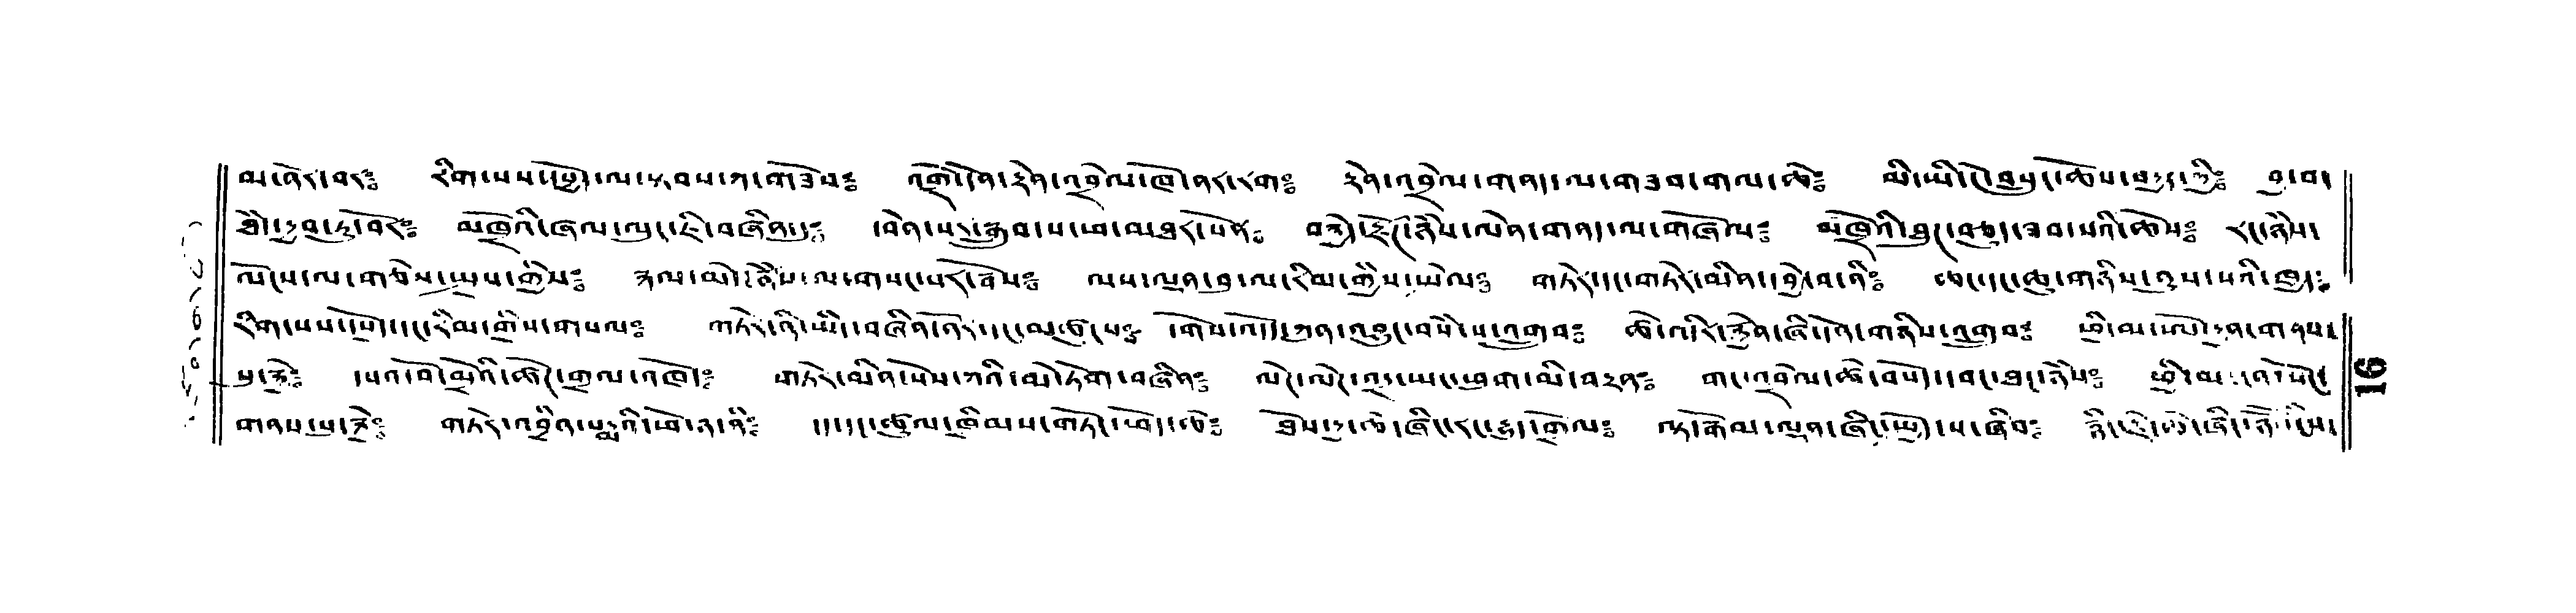མ་ནོར་བར༔ རིག་པས་དཔྱོད་ལ་སྟབས་ཀ་གཟོབ༔ འགྲོ་དོན་རྟེན་འབྲེལ་ཁོ་ནར་རག༔ རྟེན་འབྲེལ་གནད་ལ་གཟབ་གལ་ཆེ༔ མི་ཡི་ངོ་སྲུང་ཆོས་བརྒྱད་ཀྱི༔ བྱ་བ་
ཐམས་ཅད་རྒྱབ་ཏུ་བོར༔མཁའ་འགྲོའི་ཞལ་ལུང་ཇི་བཞིན་དུ༔ དབེན་སར་སྒྲུབ་པ་ཕ་མཐར་སོན༔ བསྐྱེད་རྫོགསཉམས་ལེན་གནད་ལ་གཞོལ༔ མཁའ་འགྲོའི་ཐུགས་བཅུད་ཟབ་པའི་ཆོས༔ རང་ཉམས་
ལོངས་ལ་གཅེས་སྤྲས་ཀྱིས༔ སྐལ་མེད་རྣམས་ལ་གསང་བར་སྦོས༔ ལས་ལྡན་བུ་ལ་རིམ་གྱིས་སྤེལ༔ གཏེར་དང་གཏེར་མིན་དབྱེ་བ་ནི༔ ཆང་དང་ཆུ་གཉིས་ནུས་པའི་ཁྱད༔ 
རིག་པས་དཔྱོད་དང་རིམ་གྱིས་གསལ༔ གཏེར་ནི་ཡིད་བཞིན་ནོར་དང་མཚུངས༔ དགོས་འདོད་ཀུན་འབྱུང་བསམ་པ་འགྲུབ༔ ཚེ་འདིར་རྐྱེན་ཞི་དོན་གཉིས་འགྲུབ༔ ཕྱི་མ་ཨོ་རྒྱན་གནས་
སུ་སྐྱེ༔ དཔའ་བོ་མཁའ་འགྲོའི་ཚོགས་གྲལ་འཁོད༔ གཏེར་མིན་སོས་ཀའི་མེ་ཏོག་བཞིན༔ ལེགས་ལེགས་འདྲ་ཡང་ཕུགས་མི་བརྟན༔ གང་འབྲེལ་ཚེ་བསོད་དབང་ཐང་ཉམས༔ ཕྱི་མ་ངན་སོང་
གནས་སུ་སྐྱེ༔ གཏེར་འབྱིན་པདྨའི་ཕོ་ཉ་ནི༔ དད་དང་ཚུལ་ཁྲིམས་གཏོང་ཕོད་ཆེ༔ ཐོས་རྒྱ་ཆེ་ཞིང་རང་རྒྱུད་གྲོལ༔ ལྟ་སྒོམ་ལྡན་ཞིང་སྤྱོད་པ་ཞིབ༔ སྙིང་རྗེ་ཆེ་ཞིང་ཉོན་མོངས་